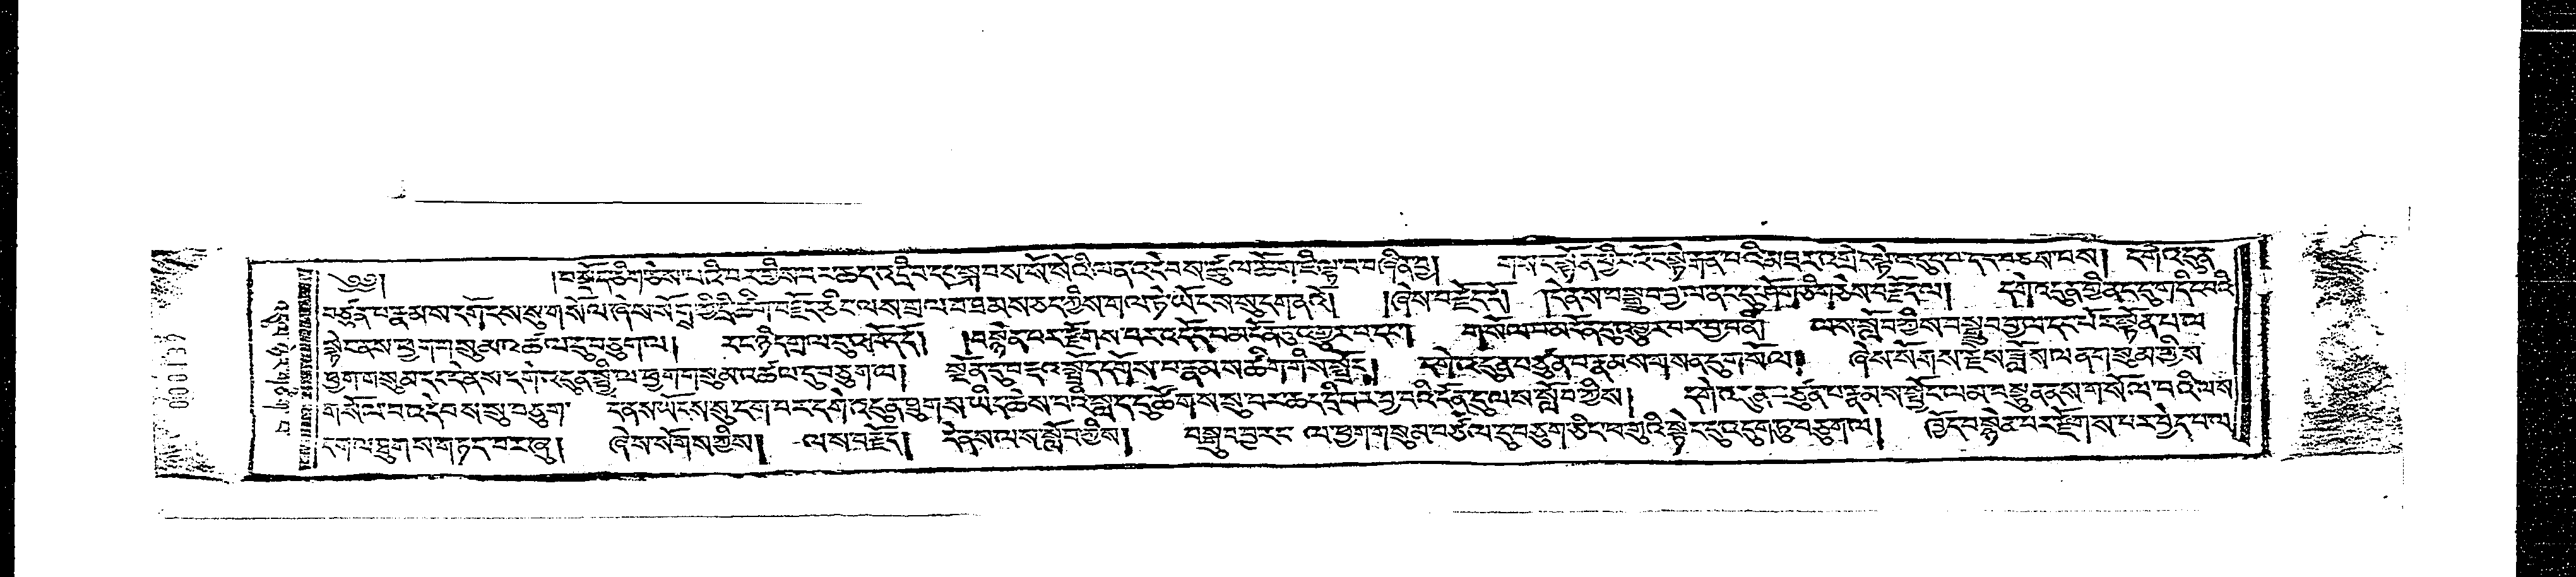༄༅། །བསྡོད་ཅིག་ཅེས་པའི་བར་གྱིས་བར་ཆད་འདྲི་བ་དང་སྐབས་སོ་སོའི་ལན་འདེབས་ཚུལ་ཆོ་ག་ཇི་ལྟ་བ་བཞིན་བྱ། གསང་སྟོན་ཕྱིར་འོང་སྟེ་རྒན་པའི་མཐར་འགྲེང་སྟེ་འདུད་པ་དང་བཅས་པས། དགེ་འདུན་
བཙུན་པ་རྣམས་དགོངས་སུ་གསོལ་ཞེས་སོགས་ཀྱི་དྲི་ཚིག་བརྗོད་ཅིང་ལས་གྲལ་བ་ཐམས་ཅད་ཀྱིས་གལ་ཏེ་ཡོངས་སུ་དག་ནའོ། །ཞེས་བརྗོད་དོ། །དེ་ནས་བསྒྲུབ་བྱ་ལ་ནང་དུ་ཤོག་ཅིག་ཅེས་བརྗོད་ལ། དགེ་འདུན་གྱི་ནང་དུ་གདིང་བའི་
སྟེང་ནས་ཕྱག་གསུམ་འཚལ་དུ་བཅུག་ལ། རང་ཉིད་གྲལ་དུ་འཁོད་དོ། །བསྙེན་པར་རྫོགས་པར་འདོད་པ་མངོན་དུ་འགྱུར་པ་དང་། གསོལ་བ་མངོན་དུ་འགྱུར་བར་བྱ་བ་ནི། ལས་སློབ་ཀྱིས་བསྒྲུབ་བྱ་ལ་དང་པོར་སྟོན་པ་ལ་
ཕྱག་གསུམ་དང་དེ་ནས་དགེ་འདུན་སྤྱི་ལ་ཕྱག་གསུམ་འཚལ་དུ་བཅུག་ལ། སྔོན་དུ་བརྡའ་སྤྲོད་དགོས་པ་རྣམས་ཚིག་གིས་སྤྲོད། དགེ་འདུན་བཙུན་པ་རྣམས་གསན་དུ་གསོལ། ཞེས་སོགས་རྗེས་ཟློས་ལན་གསུམ་གྱིས་
གསོལ་བ་འདེབས་སུ་བཅུག་དེ་ནས་ཡོངས་སུ་དག་པར་དགེ་འདུན་ཐུགས་ཡིད་ཆེས་པའི་སླད་དུ་ཚོགས་སུ་བར་ཆད་དྲི་བར་བྱ་བའི་དོན་དུ་ལས་སློབ་ཀྱིས། དགེ་འདུན་བཙུན་པ་རྣམས་སྤྱོད་ལམ་བསྟུན་ནས་གསོལ་བའི་ལས་
དག་ལ་ཐུགས་གཏད་པར་ཞུ། ཞེས་སོགས་ཀྱིས། ལས་བརྗོད། དེ་ནས་ལས་སློབ་ཀྱིས། བསྒྲུབ་བྱ་རང་ལ་ཕྱག་གསུམ་བཙལ་དུ་བཅུག་ཅིང་ཕ་གུའི་སྟེང་དུ་འདུག་ཏུ་བཅུག་ལ། ཁྱོད་བསྙེན་པར་རྫོགས་པར་བྱེད་པ་ལ་